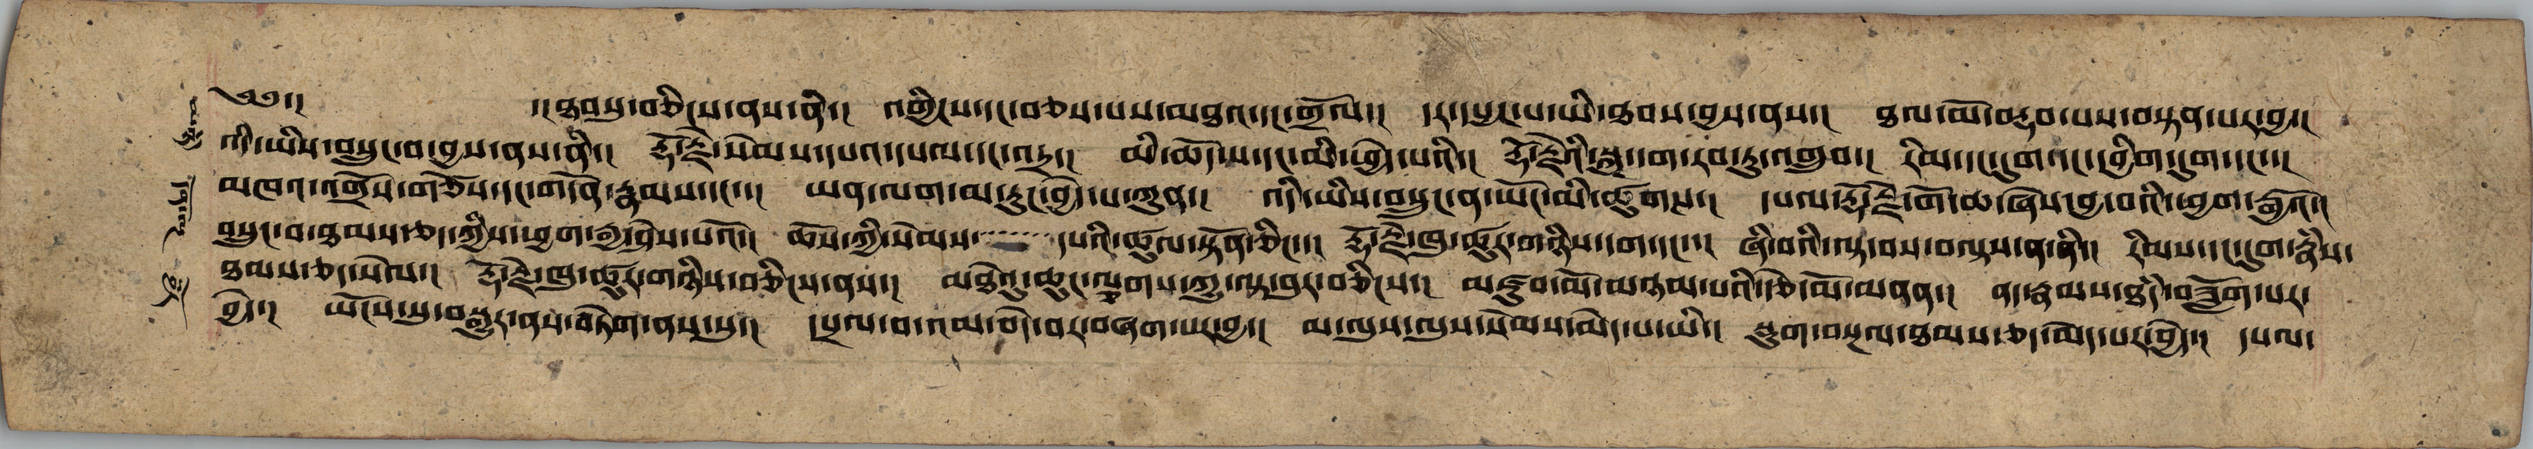༄༅་། ་།ཐབསུ་བཅིངས་ནས་ནི་། འགྱིངས་དང་བཅས་པས་མཐའ་དང་གྲོལ་། དར་དཔྱང་པ་ཡི་ཐམས་བྱས་ནས་། ཐལ་མོ་བརྡབ་པས་བསྟན་པར་བྱ་།
འདི་ཡིས་བསྲུང་བ་བྱས་ནས་ནི་། རྡོ་རྗེ་སེམས་དཔའ་དཔལ་དང་འདྲ་། མི་ཆོད་པ་དང་མི་ཕྱེད་པའི་། རྡོ་རྗེའི་སྐུ་དག་རབ་ཏུ་འགྲུབ་། རིམ་དང་དུག་དང་དབྱིག་དུག་དང་་།
མཁའ་འགྲོས་གཙོས་དང་གདོན་རྣམས་དང་་། ཡན་ལག་མ་རུང་བྱེད་པ་ཀུན་། འདི་ཡིས་བསྲུང་ན་ཡོང་མི་ཚུགས་། དཔལ་རྡོ་རྗེ་གོ་ཆ་ཞེས་བྱ་བའི་ཕྱག་རྒྱའོ་།
བསྲུང་བ་ཐམས་ཅད་ཀྱིས་ཕྱག་རྒྱ་ཤེས་པའོ་། ཆོས་ཀྱི་སེམས་ དཔའི་ཚུལ་སྟོན་ཅིང་་། རྡོ་རྗེ་ཁུ་ཚུར་གཉིས་དག་དང་་། ཞི་བའི་ལྟ་བས་བལྟས་ན་ནི་། རིམས་དང་དུག་རྣཾས་
ཐམས་ཅད་སེལ་། རྡོ་རྗེ་ཁུ་ཚུར་གཉིས་བཅིངས་ནས་། མཐེའུ་ཆུང་ལྕགས་ཀྱུ་ལྟ་བུར་བཅིངས་། མཛུབ་མོ་མཉམ་པའི་རྩེ་མོ་མནན་། ནད་རྣམས་ཐཾད་བཟློག་པར་
བྱེད་། ཡོངས་སུ་བསྒྱུར་ནས་བཏེག་ནས་སུ་། དཔྲལ་བ་འམ་བདེ་བར་བཞག་པར་བྱ་། མ་ལུས་ལུས་སེམས་མེད་པ་ཡི་། སྡུག་བསྔལ་ཐམས་ཅད་མེད་པར་བྱེད་། དཔལ་